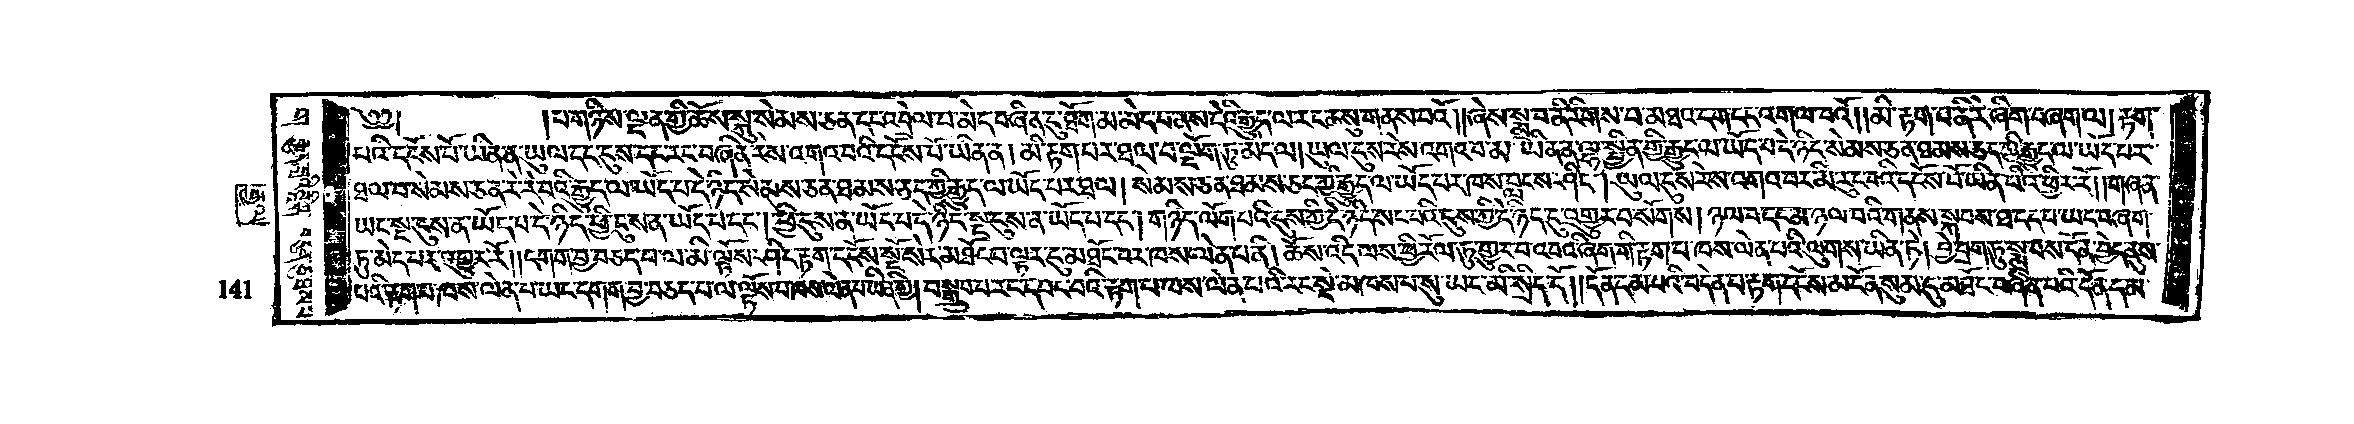༄༅། །པ་གཉིས་ལྡན་གྱི་ཆོས་སྐུ་སེམས་ཅན་དང་འབྲེལ་པ་མེད་བཞིན་དུ་ཐོག་མ་མེད་པ་ནས་དེའི་རྒྱུད་ལ་རང་ཆ་སུ་གནས་པའོ། །ཞེས་སྨྲ་བ་ནི་རིགས་པ་མཐའ་དག་དང་འགལ་བའོ། །མི་རྟག་པ་ནི་རེ་ཞིག་བཞག་ལ། རྟག་
པའི་དངོས་པོ་ཡིན་ན་ཡུལ་དང་དུས་དང་རང་བཞིན་རེས་འགའ་བའི་དངོས་པོ་ཡིན་ན། མི་རྟག་པར་ཐལ་བ་ལྡོག་ཏུ་མེད་ལ། ཡུལ་དུས་རེས་འགའ་བ་མ་ཡིན་ན་ལྷ་སྦྱིན་གྱི་རྒྱུད་ལ་ཡོད་པ་དེ་ཉིད་སེམས་ཅན་ཐམས་ཅད་ཀྱི་རྒྱུད་ལ་ཡོད་པར་
ཐལ་བ་སེམས་ཅན་རེ་རེ་བའི་རྒྱུད་ལ་ཡོད་པ་དེ་ཉིད་སེམས་ཅན་ཐམས་ཅད་ཀྱི་རྒྱུད་ལ་ཡོད་པར་ཐལ། སེམས་ཅན་ཐམས་ཅད་ཀྱི་རྒྱུད་ལ་ཡོད་པར་ཁས་བླངས་ཤིང་། ཡུལ་དུས་རེས་འགའ་བར་མི་རུང་བའི་དངོས་པོ་ཡིན་པའི་ཕྱིར་རོ། །གཞན་
ཡང་སྔ་དུས་ན་ཡོད་པ་དེ་ཉིད་ཕྱི་དུས་ན་ཡོད་པ་དང་། ཕྱི་དུས་ན་ཡོད་པ་དེ་ཉིད་སྔ་དུས་ན་ཡོད་པ་དང་། གཉིད་ལོག་པའི་དུས་ཀྱི་དེ་ཉིད་སང་པའི་དུས་ཀྱི་དེ་ཉིད་དུ་འགྱུར་བ་སོགས། ཉལ་བ་དང་མ་ཉལ་བའི་གནས་སྐབས་ཐ་དད་པ་ཡང་བཞག་
ཏུ་མེད་པར་འགྱུར་རོ། །དགག་བྱ་བཅད་པ་ལ་མི་ལྟོས་ཤིང་རྟག་དངོས་སྔོ་སེར་མཐོང་བ་ལྟར་དུ་མཐོང་བར་ཁས་ལེན་པ་ནི། ཆོས་འདི་ལས་ཕྱི་རོལ་ཏུ་གྱུར་པ་འབའ་ཞིག་གི་རྟག་པ་ཁས་ལེན་པའི་ལུགས་ཡིན་ཏེ། བྱེ་བྲག་ཏུ་སྨྲ་བས་དོན་བྱེད་ནུས་
པའི་རྟག་པ་ཁས་ལེན་པ་ཡང་དགག་བྱ་བཅད་པ་ལ་ལྟོས་པ་ཁས་ལེན་པ་ཡིན་གྱི་།བསྒྲུབ་པ་རང་དབང་པའི་རྟག་པ་ཁས་ལེན་པའི་རང་སྡེ་མཁས་པ་སུ་ཡང་མི་སྲིད་དོ། །དོན་དམ་པའི་བདེན་པ་རྟག་དངོས་མངོན་སུམ་དུ་མཐོང་བཞིན་པའི་དོན་དམ་